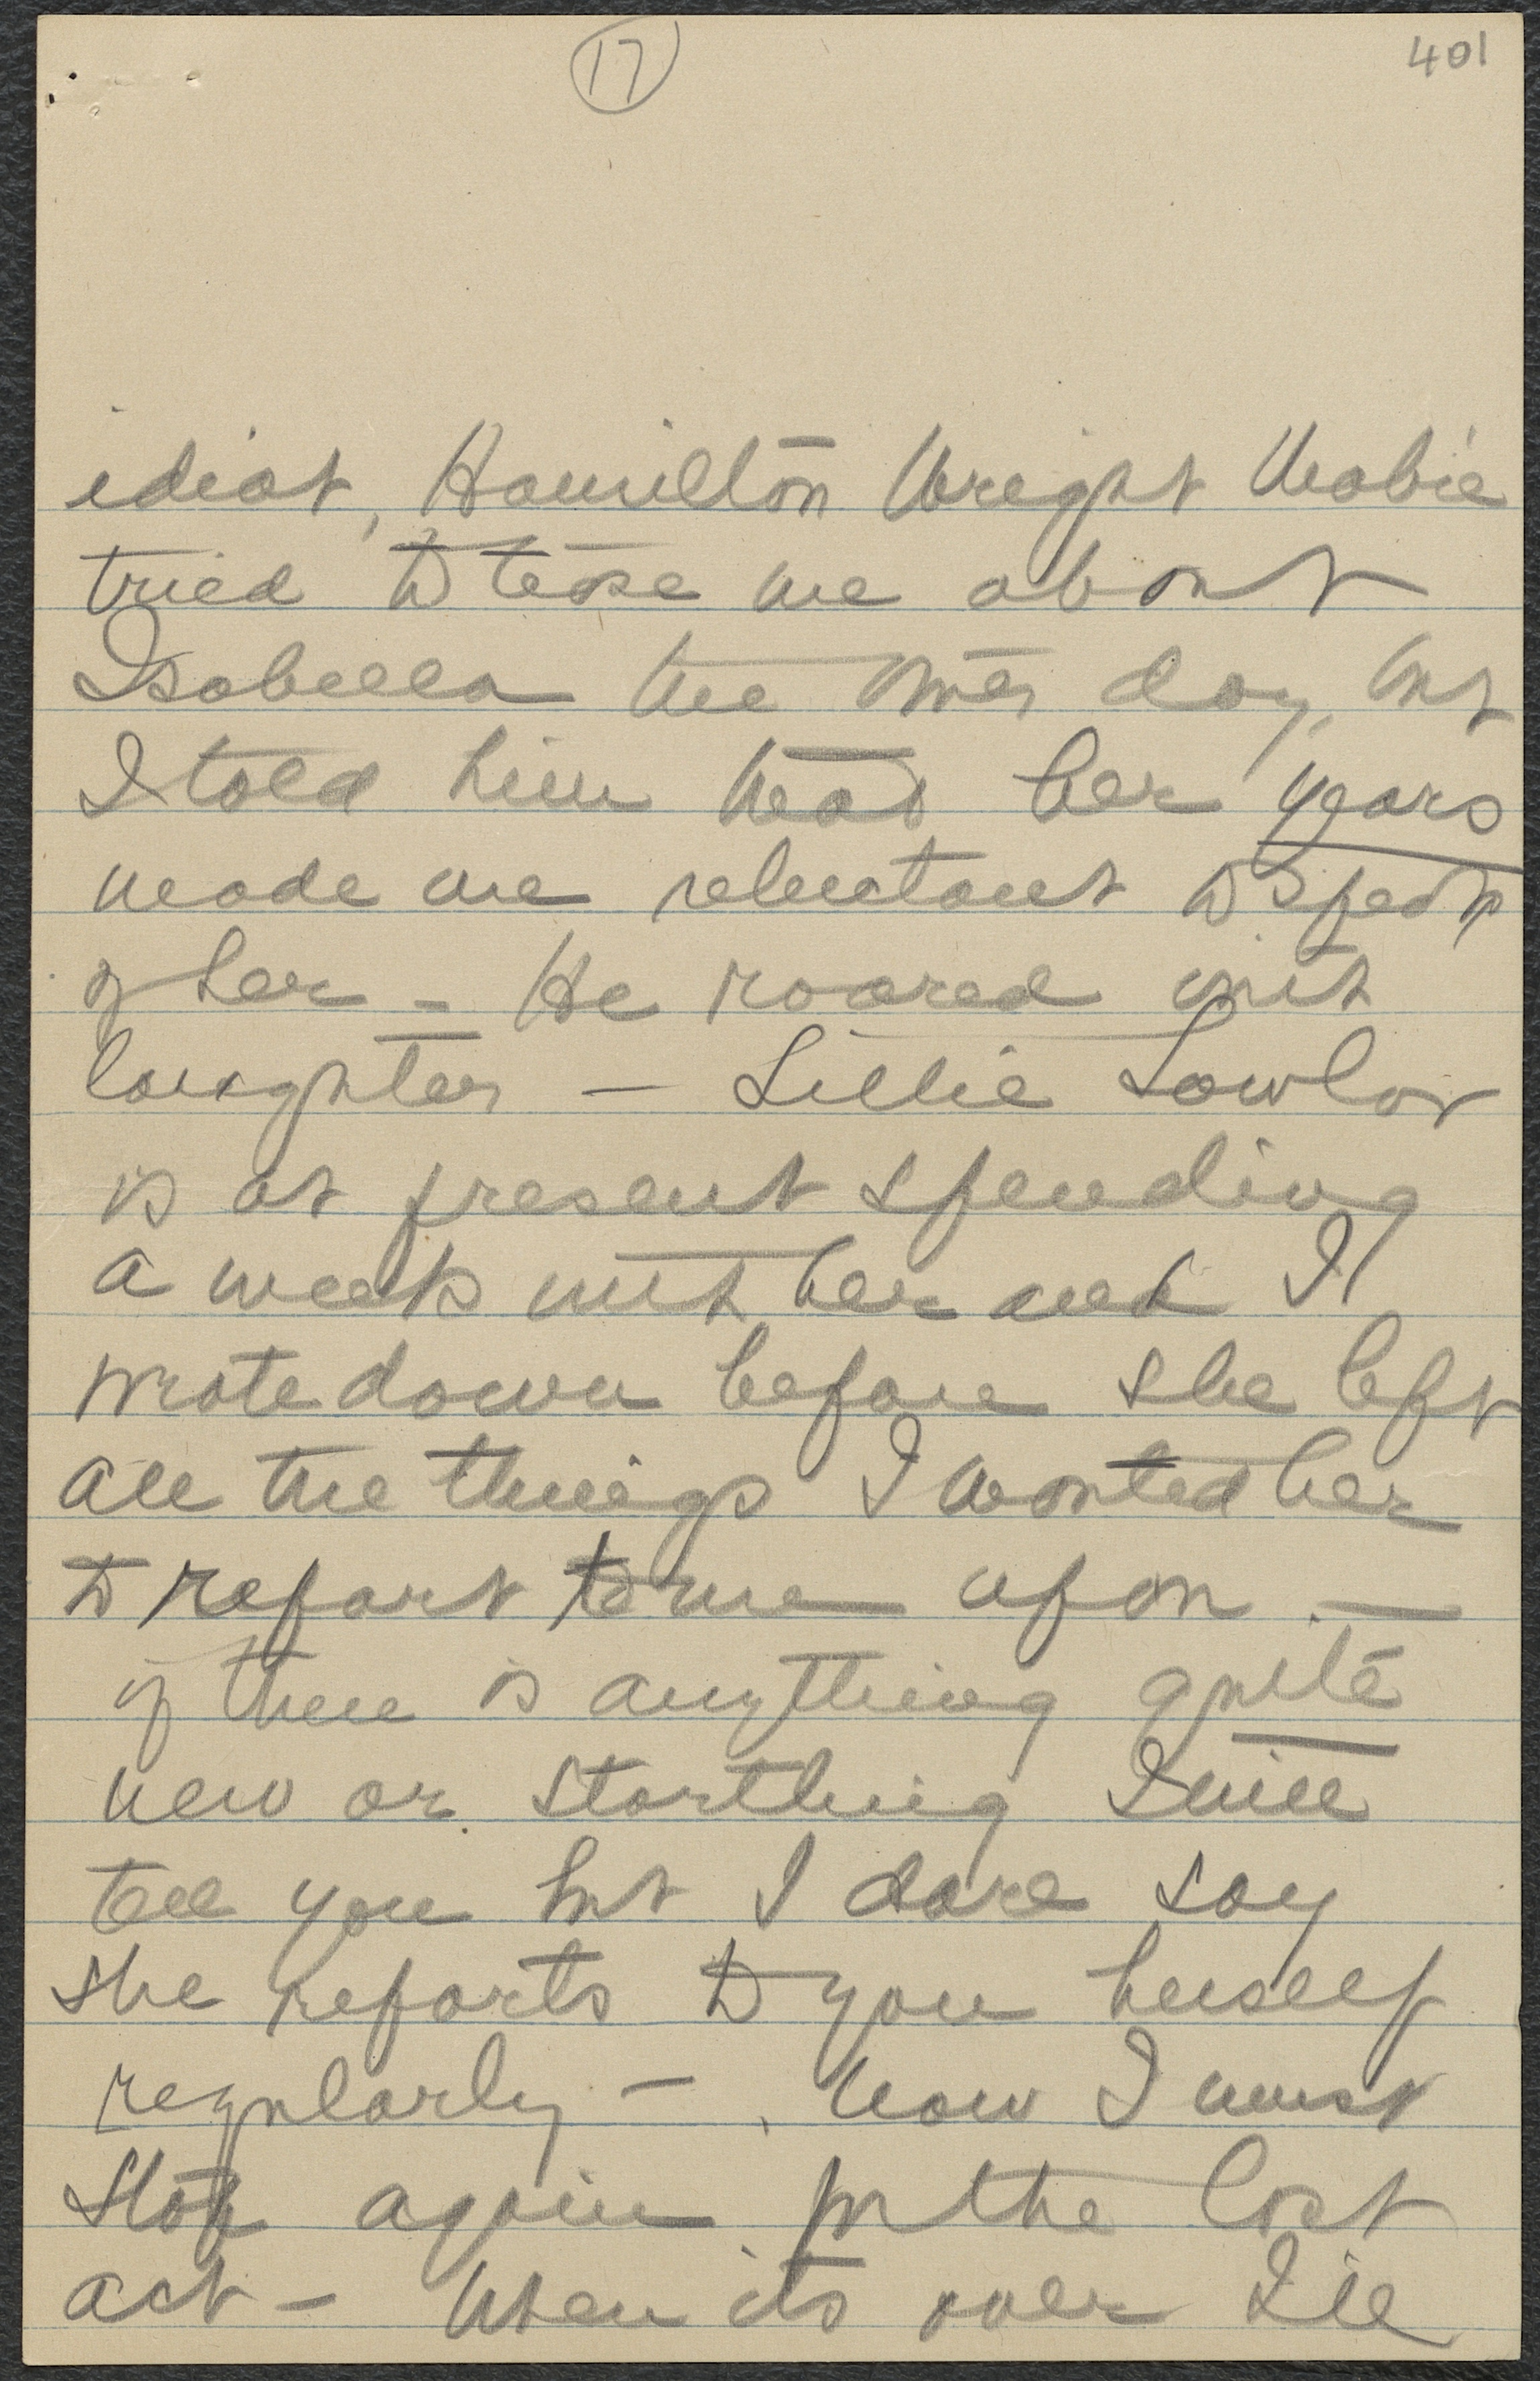idiot, Hamilton Wright Mabie tried to tease me about Isabella the other day, but I told him that her years made me reluctant to speak of her – He roared with laughter – Lillie Lawlor is at present spending a week with her and I wrote down before she left all the things I wanted her to report to me upon – if there is anything quite new or startling I will tell you but I dare say she reports to you herself regularly – now I must stop again for the last act – when it’s over I’ll